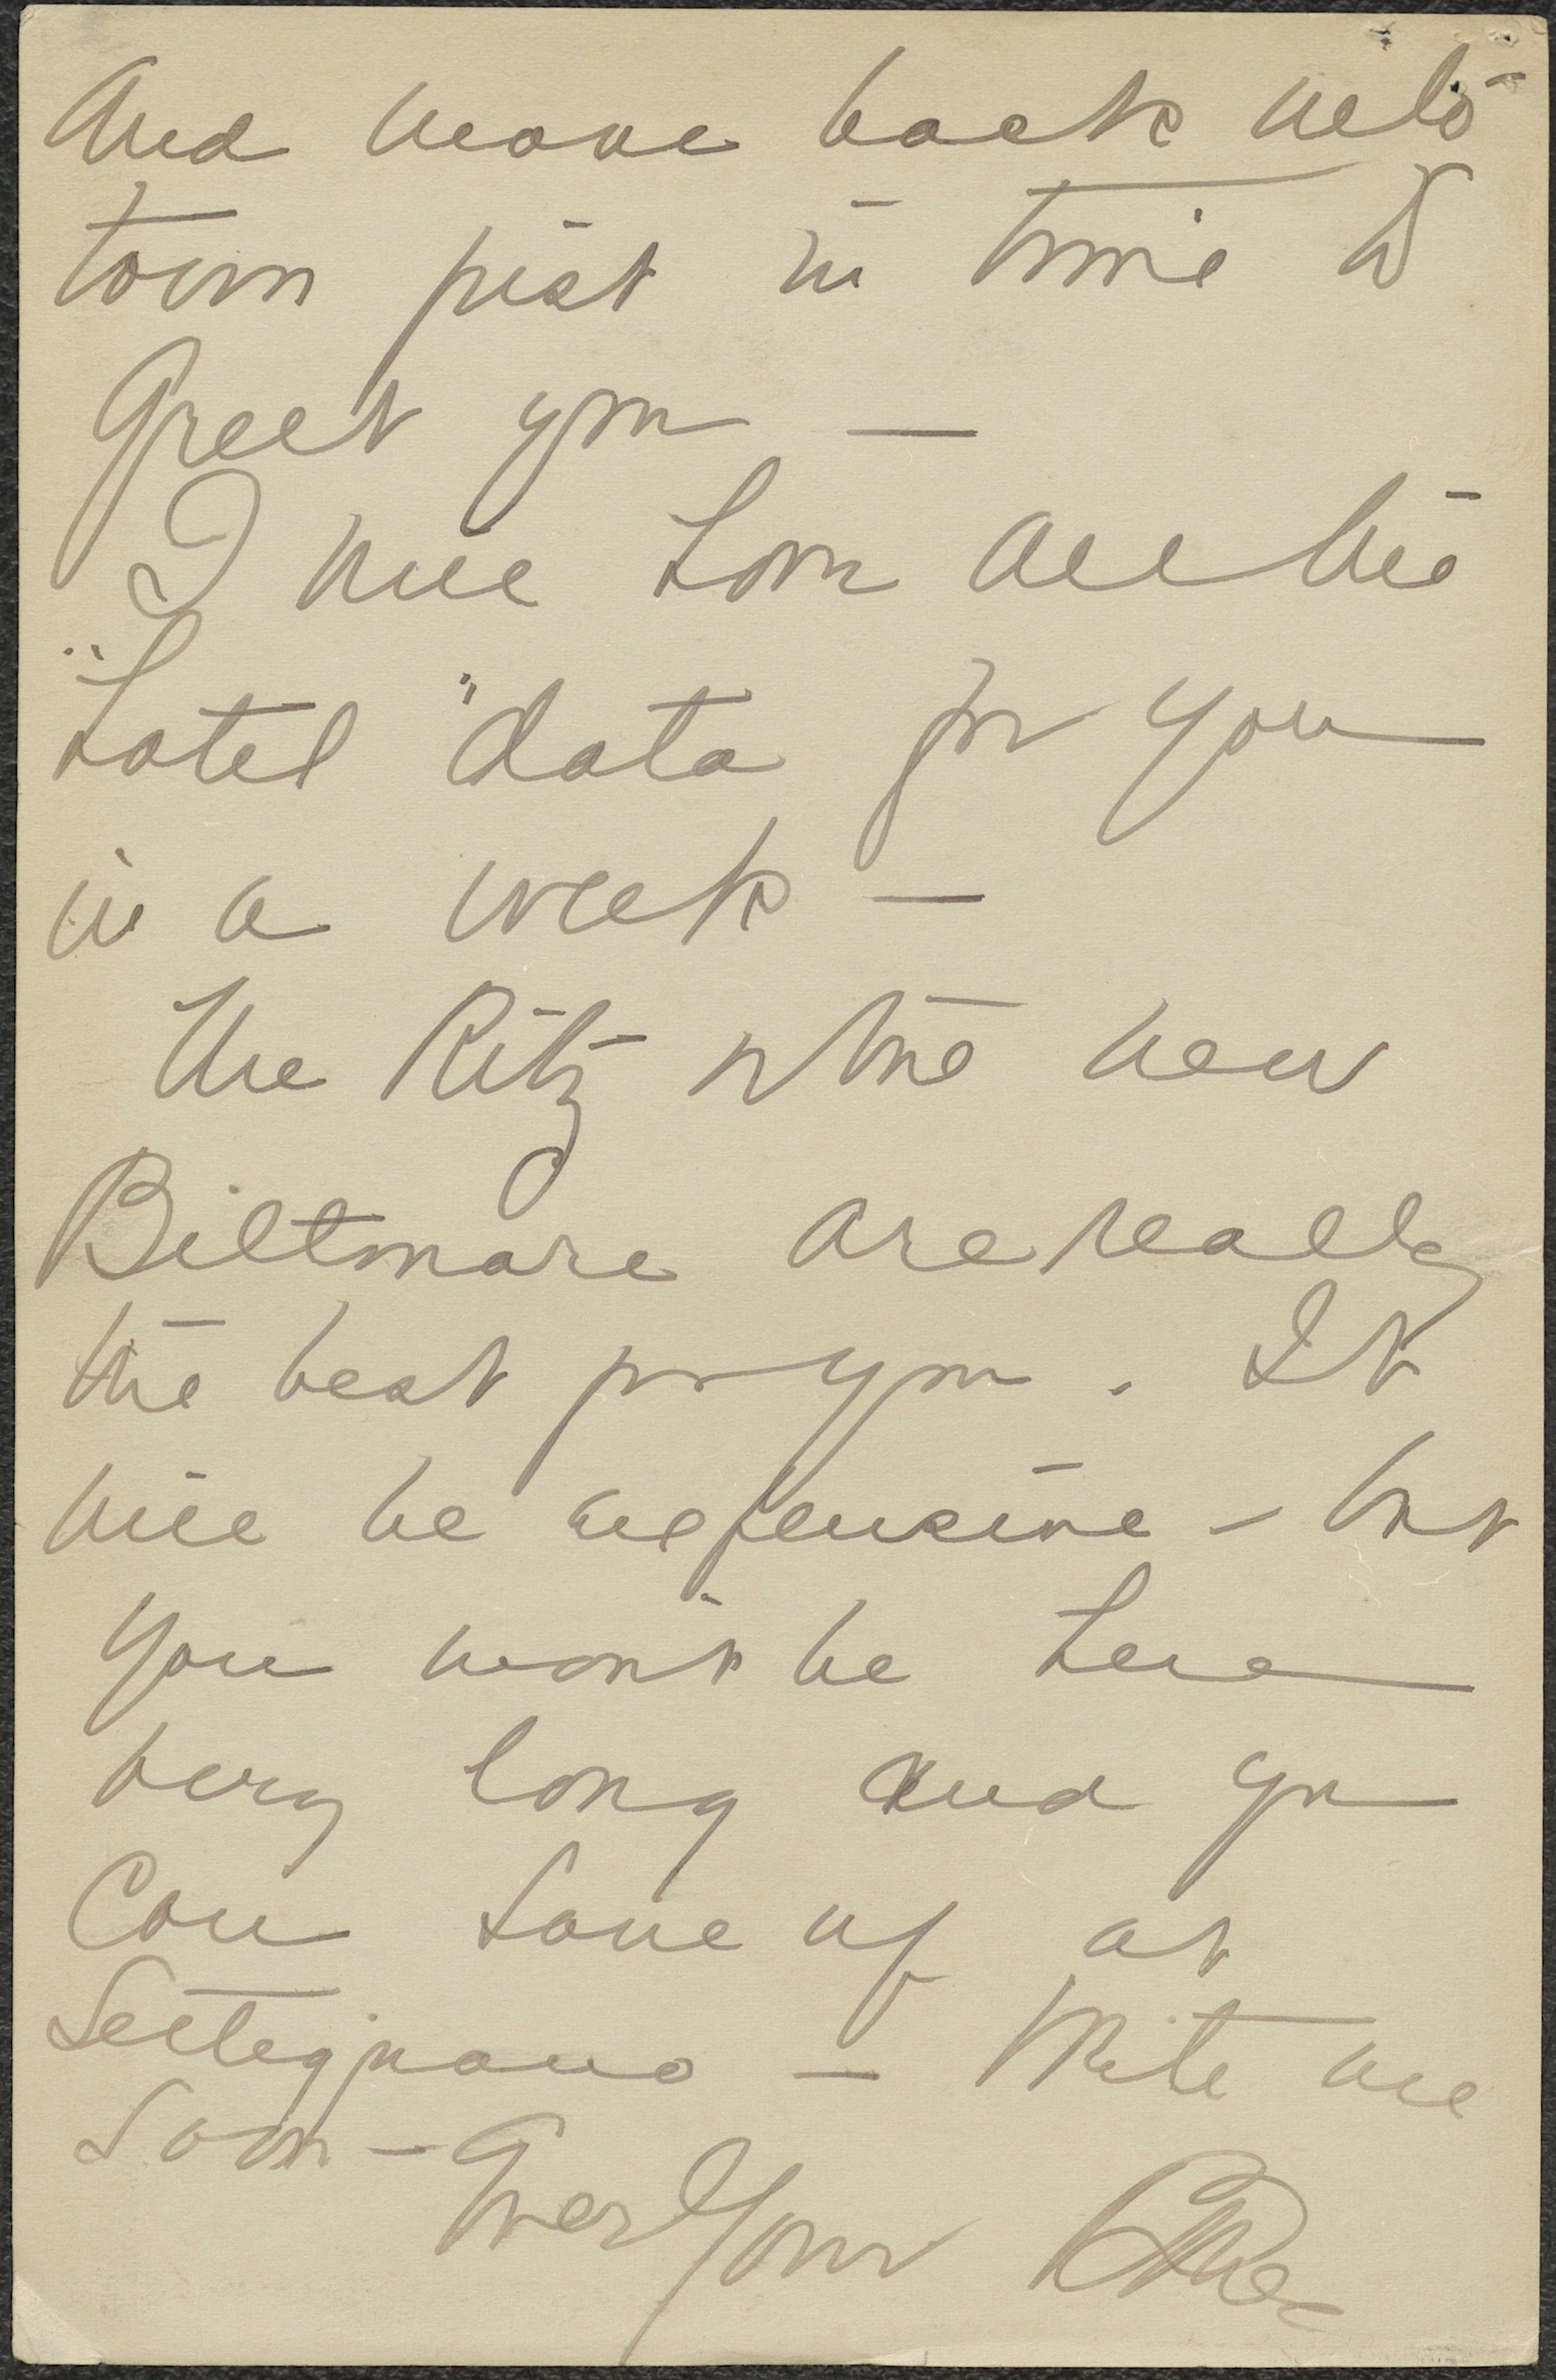and move back into town just in time to greet you –
I will have all the “hotel” data for you in a week –
The Ritz or the new Biltmore are really the best for you. It will be expensive – but you won’t be here very long and you can save up at Settignano – Write me soon – Ever Your Belle